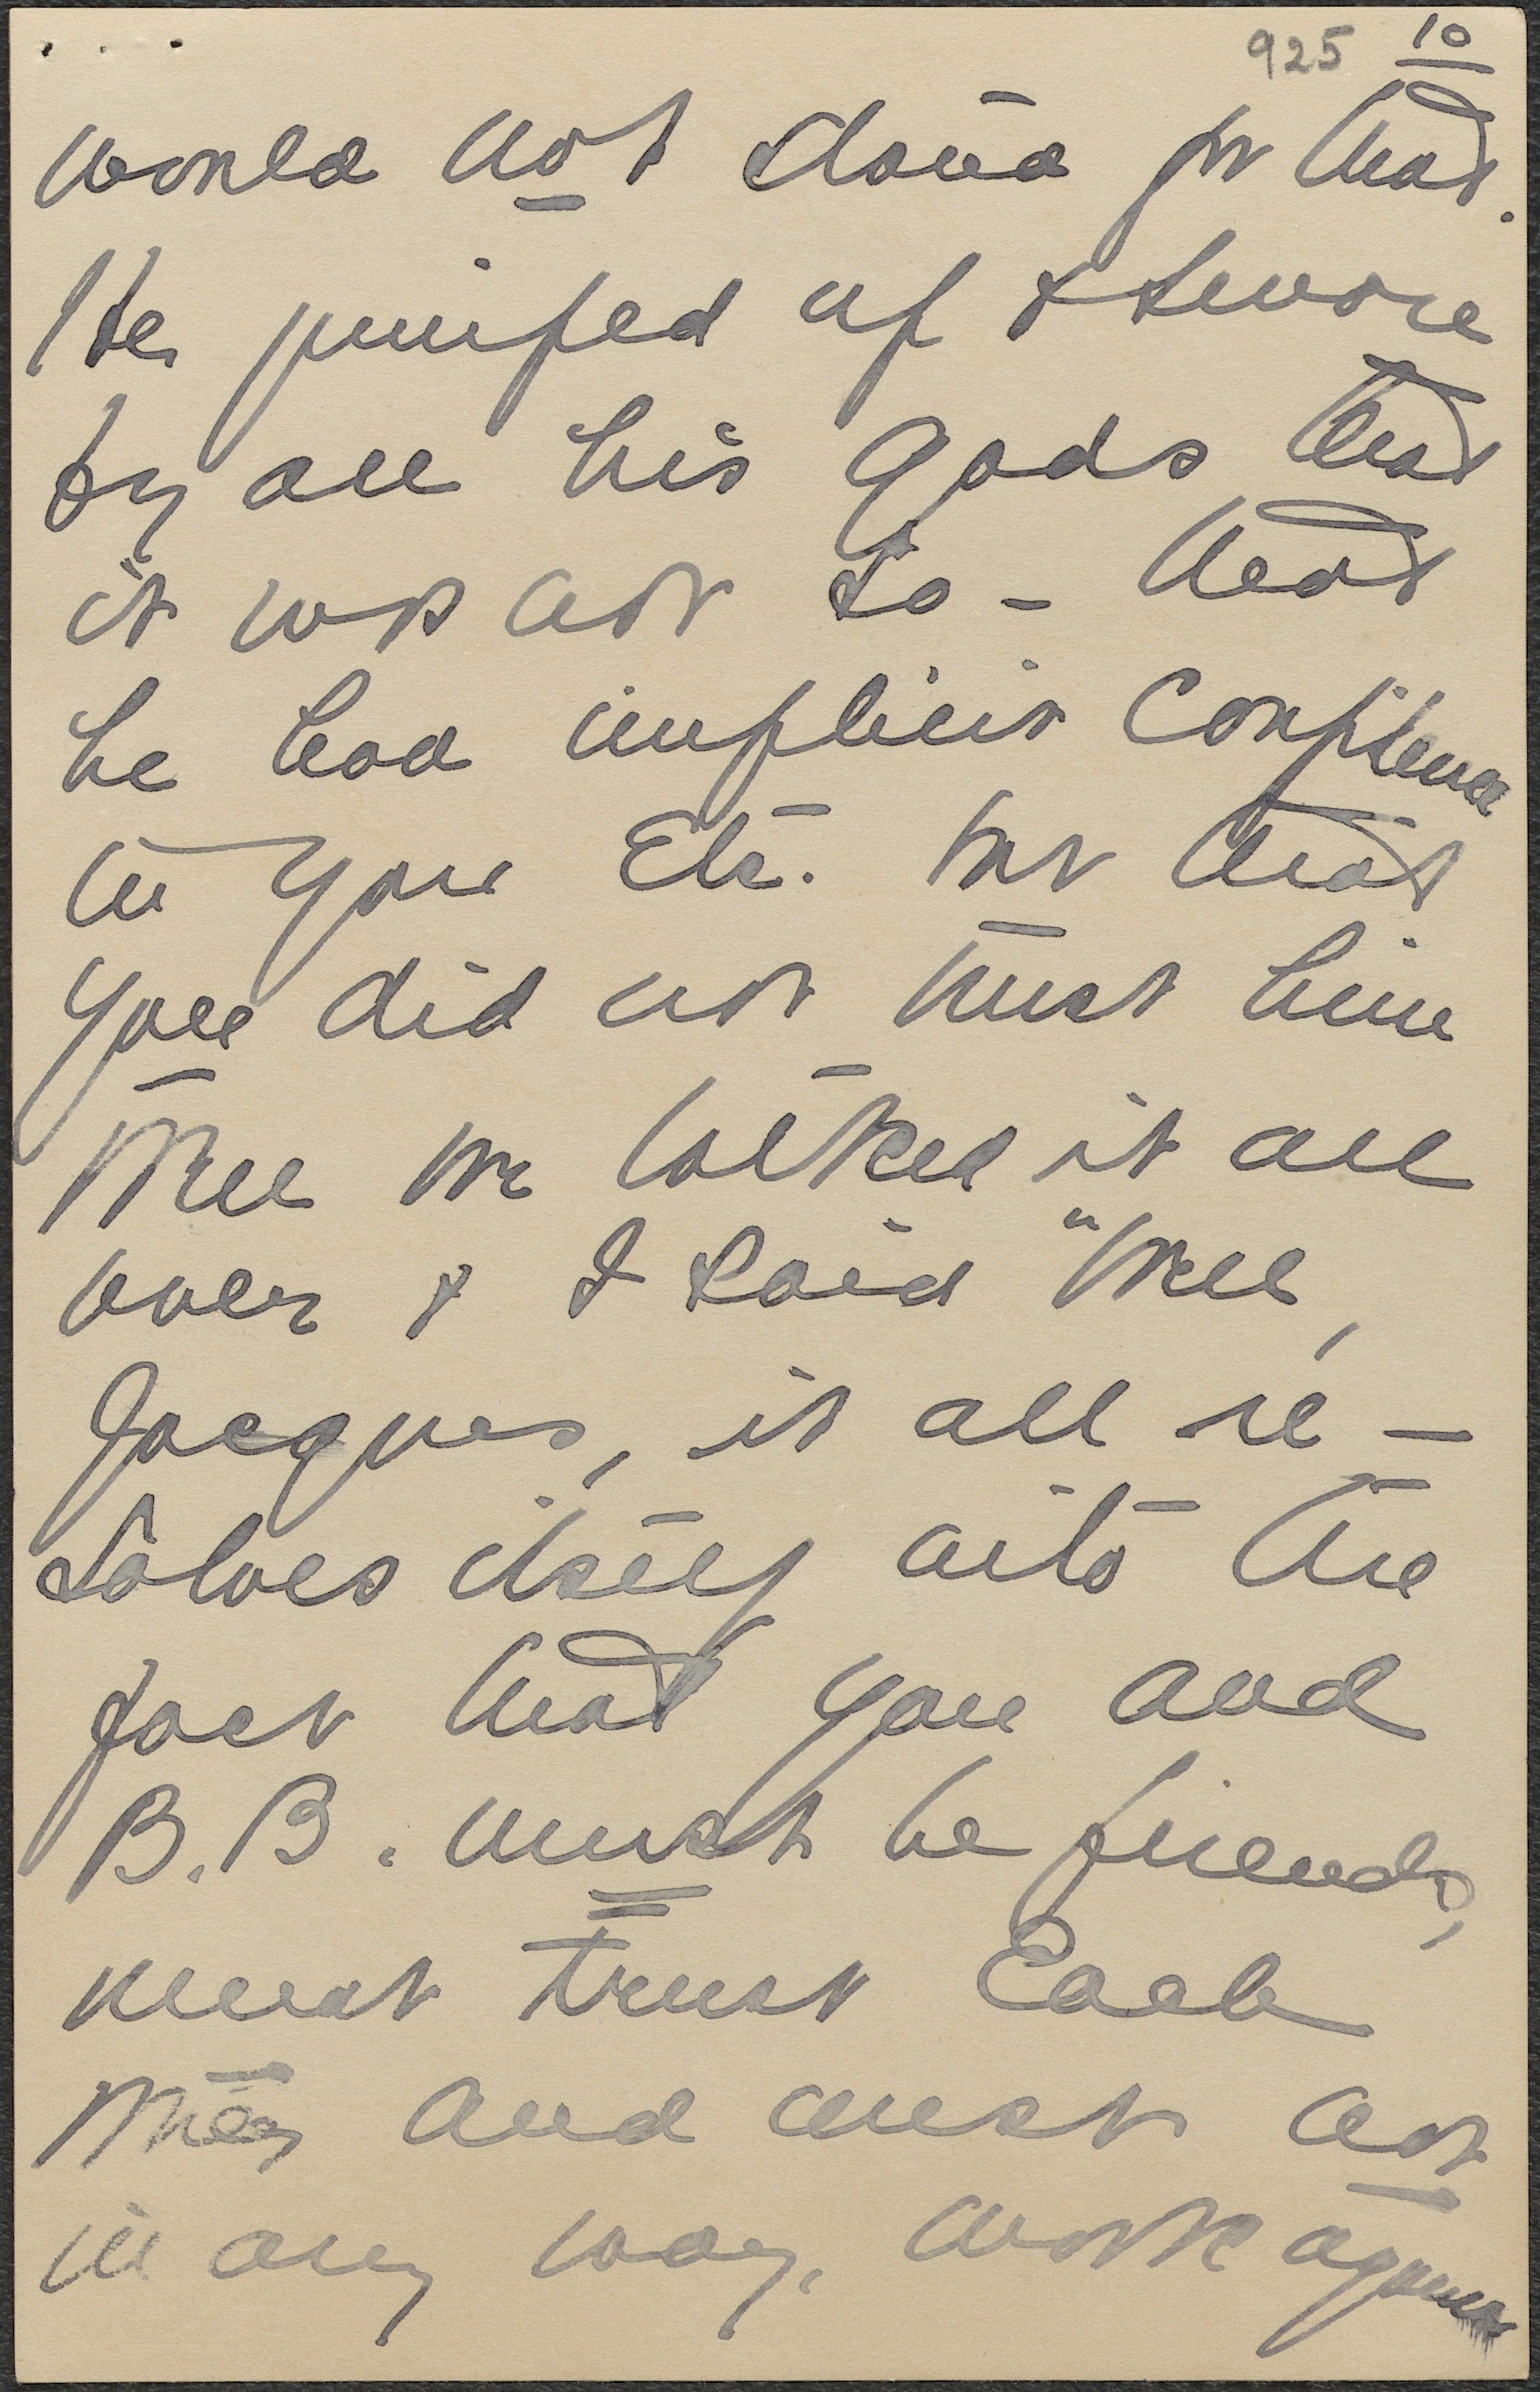10
would not stand for that. He jumped up & swore by all his gods that it was not so – that he had implicit confidence in you etc. but that you did not trust him Well we talked it all over & I said “Well, Jacques, it all resolves itself into the fact that you and B. B. [double underlined: must] be friends, must trust each other and must not in any way, work against